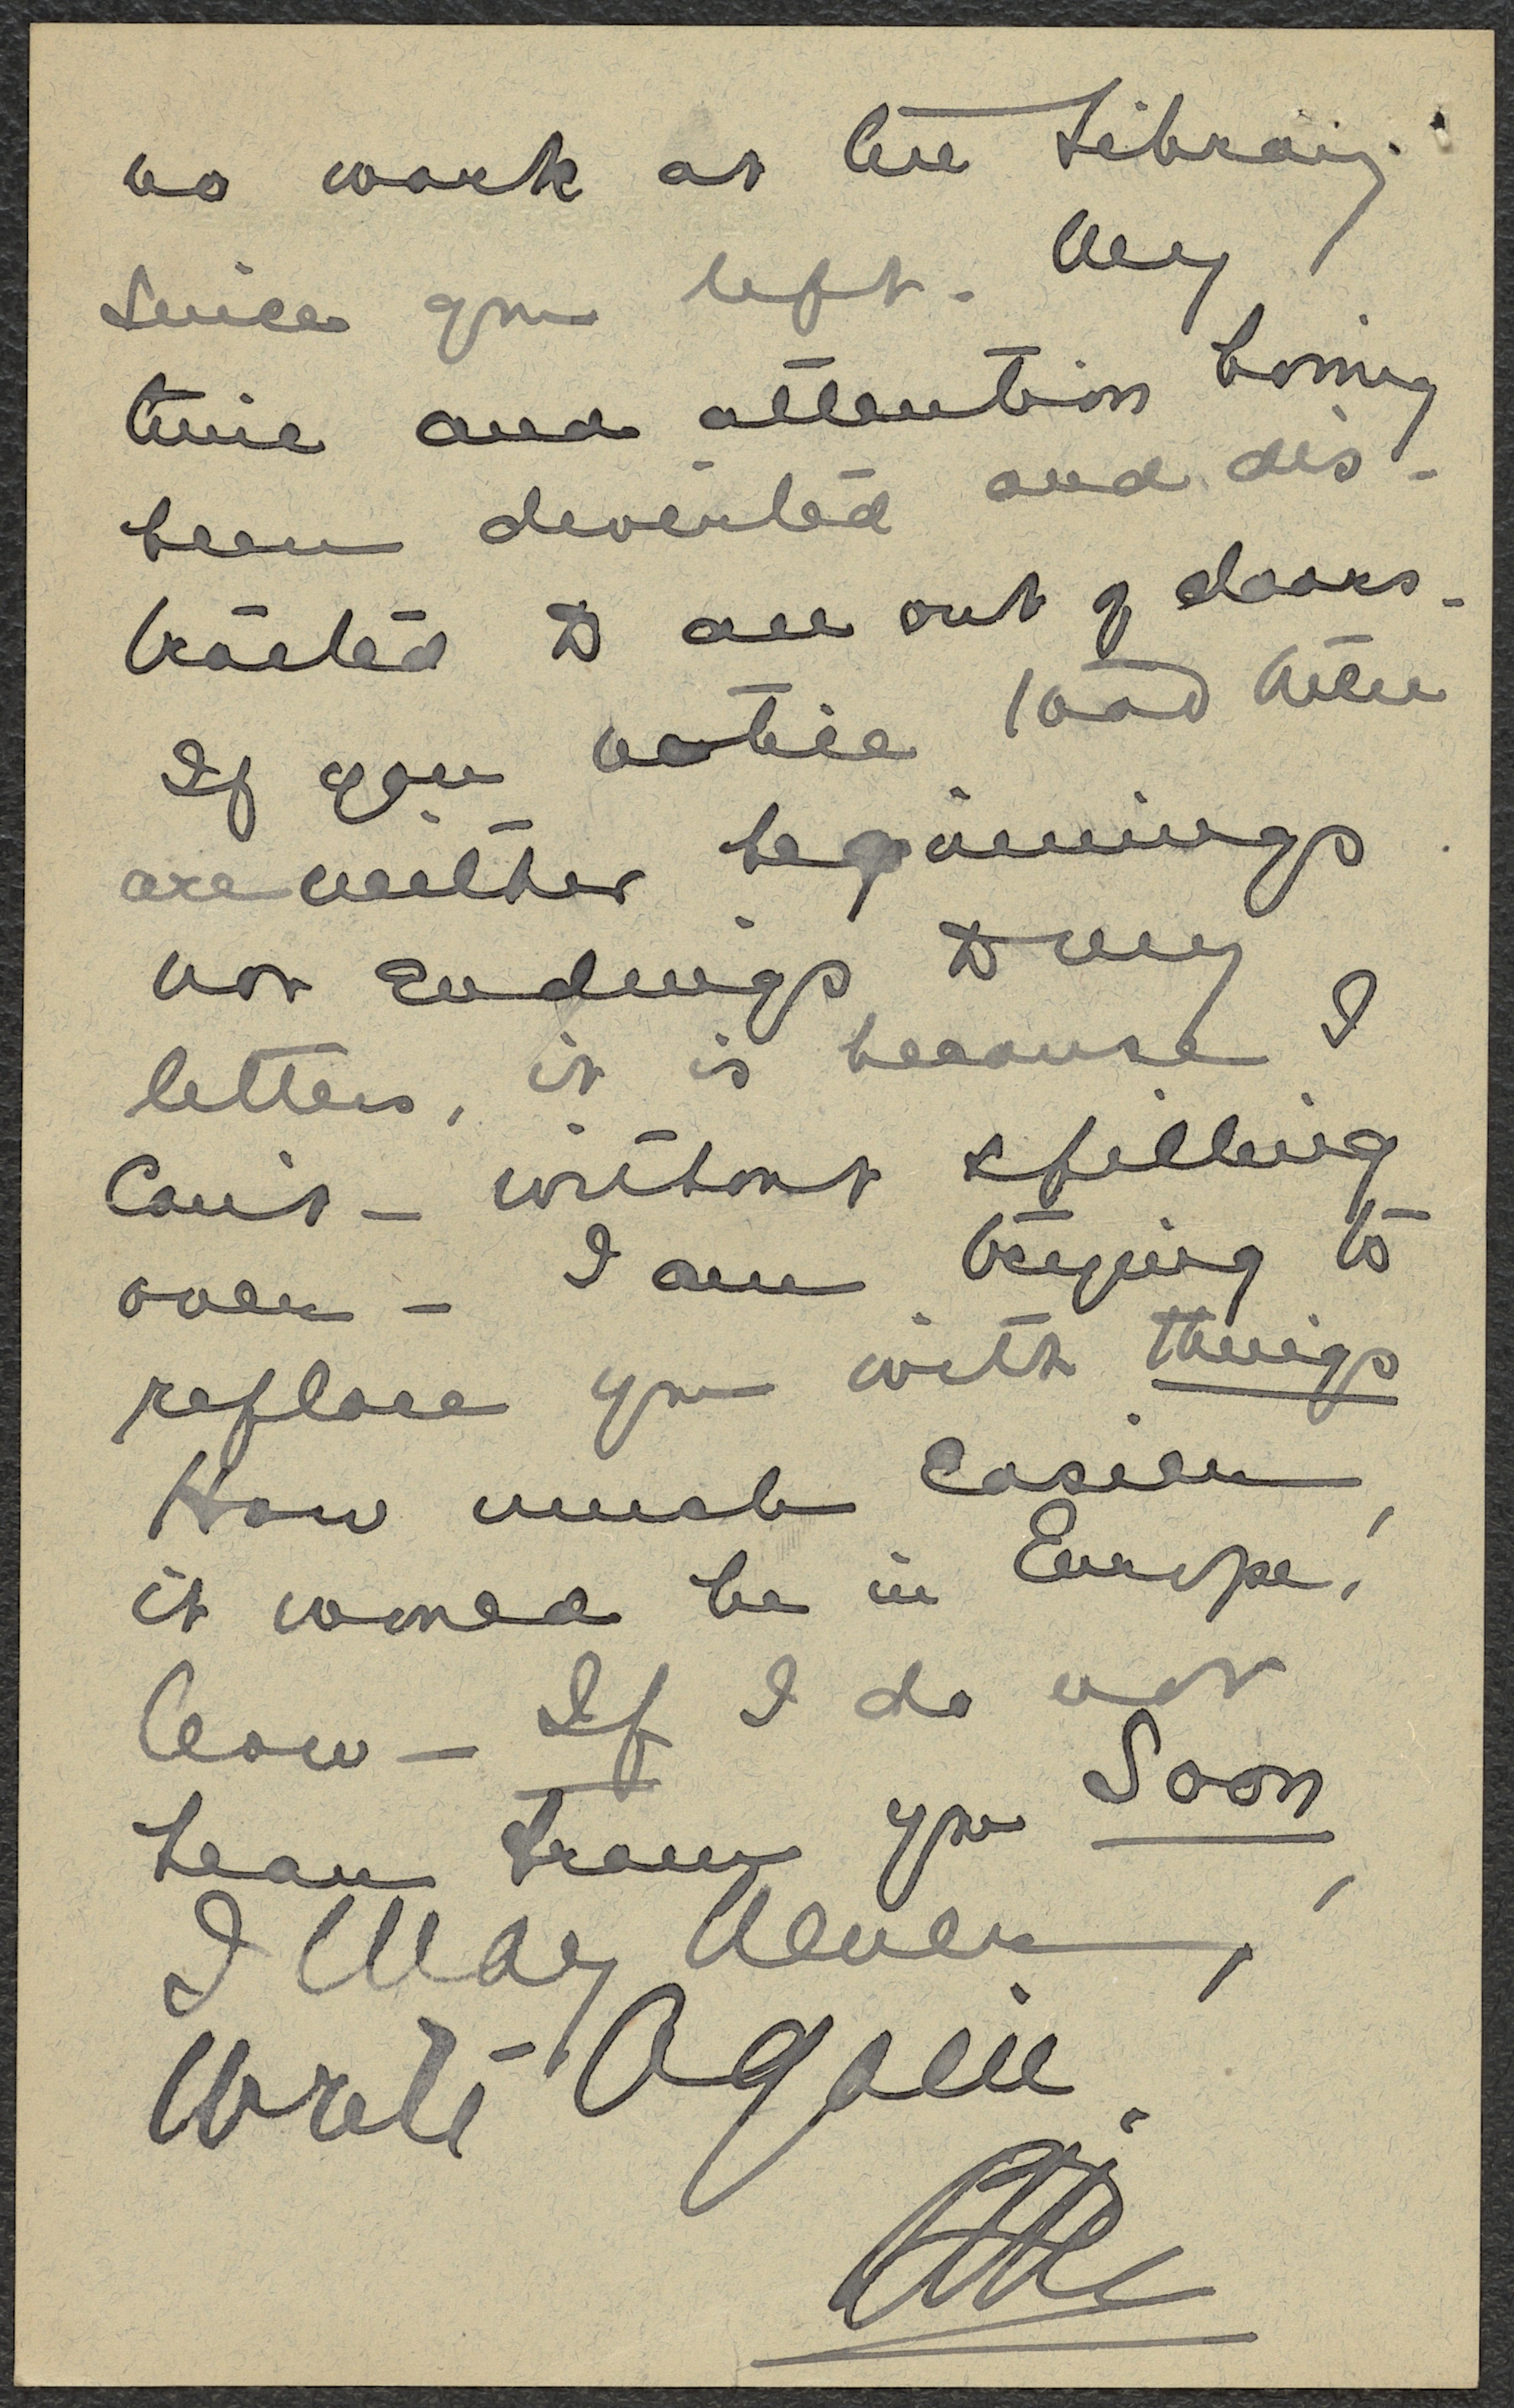no work at the Library since you left. My time and attention having been diverted and distracted to all out of doors –
If you notice that there are neither beginnings not endings to my letters, it is because I can't – without spilling over – I am trying to replace you with things
How much easier it would be in Europe!
Now – If I do not hear from you soon, I May Never Write Again!
Belle